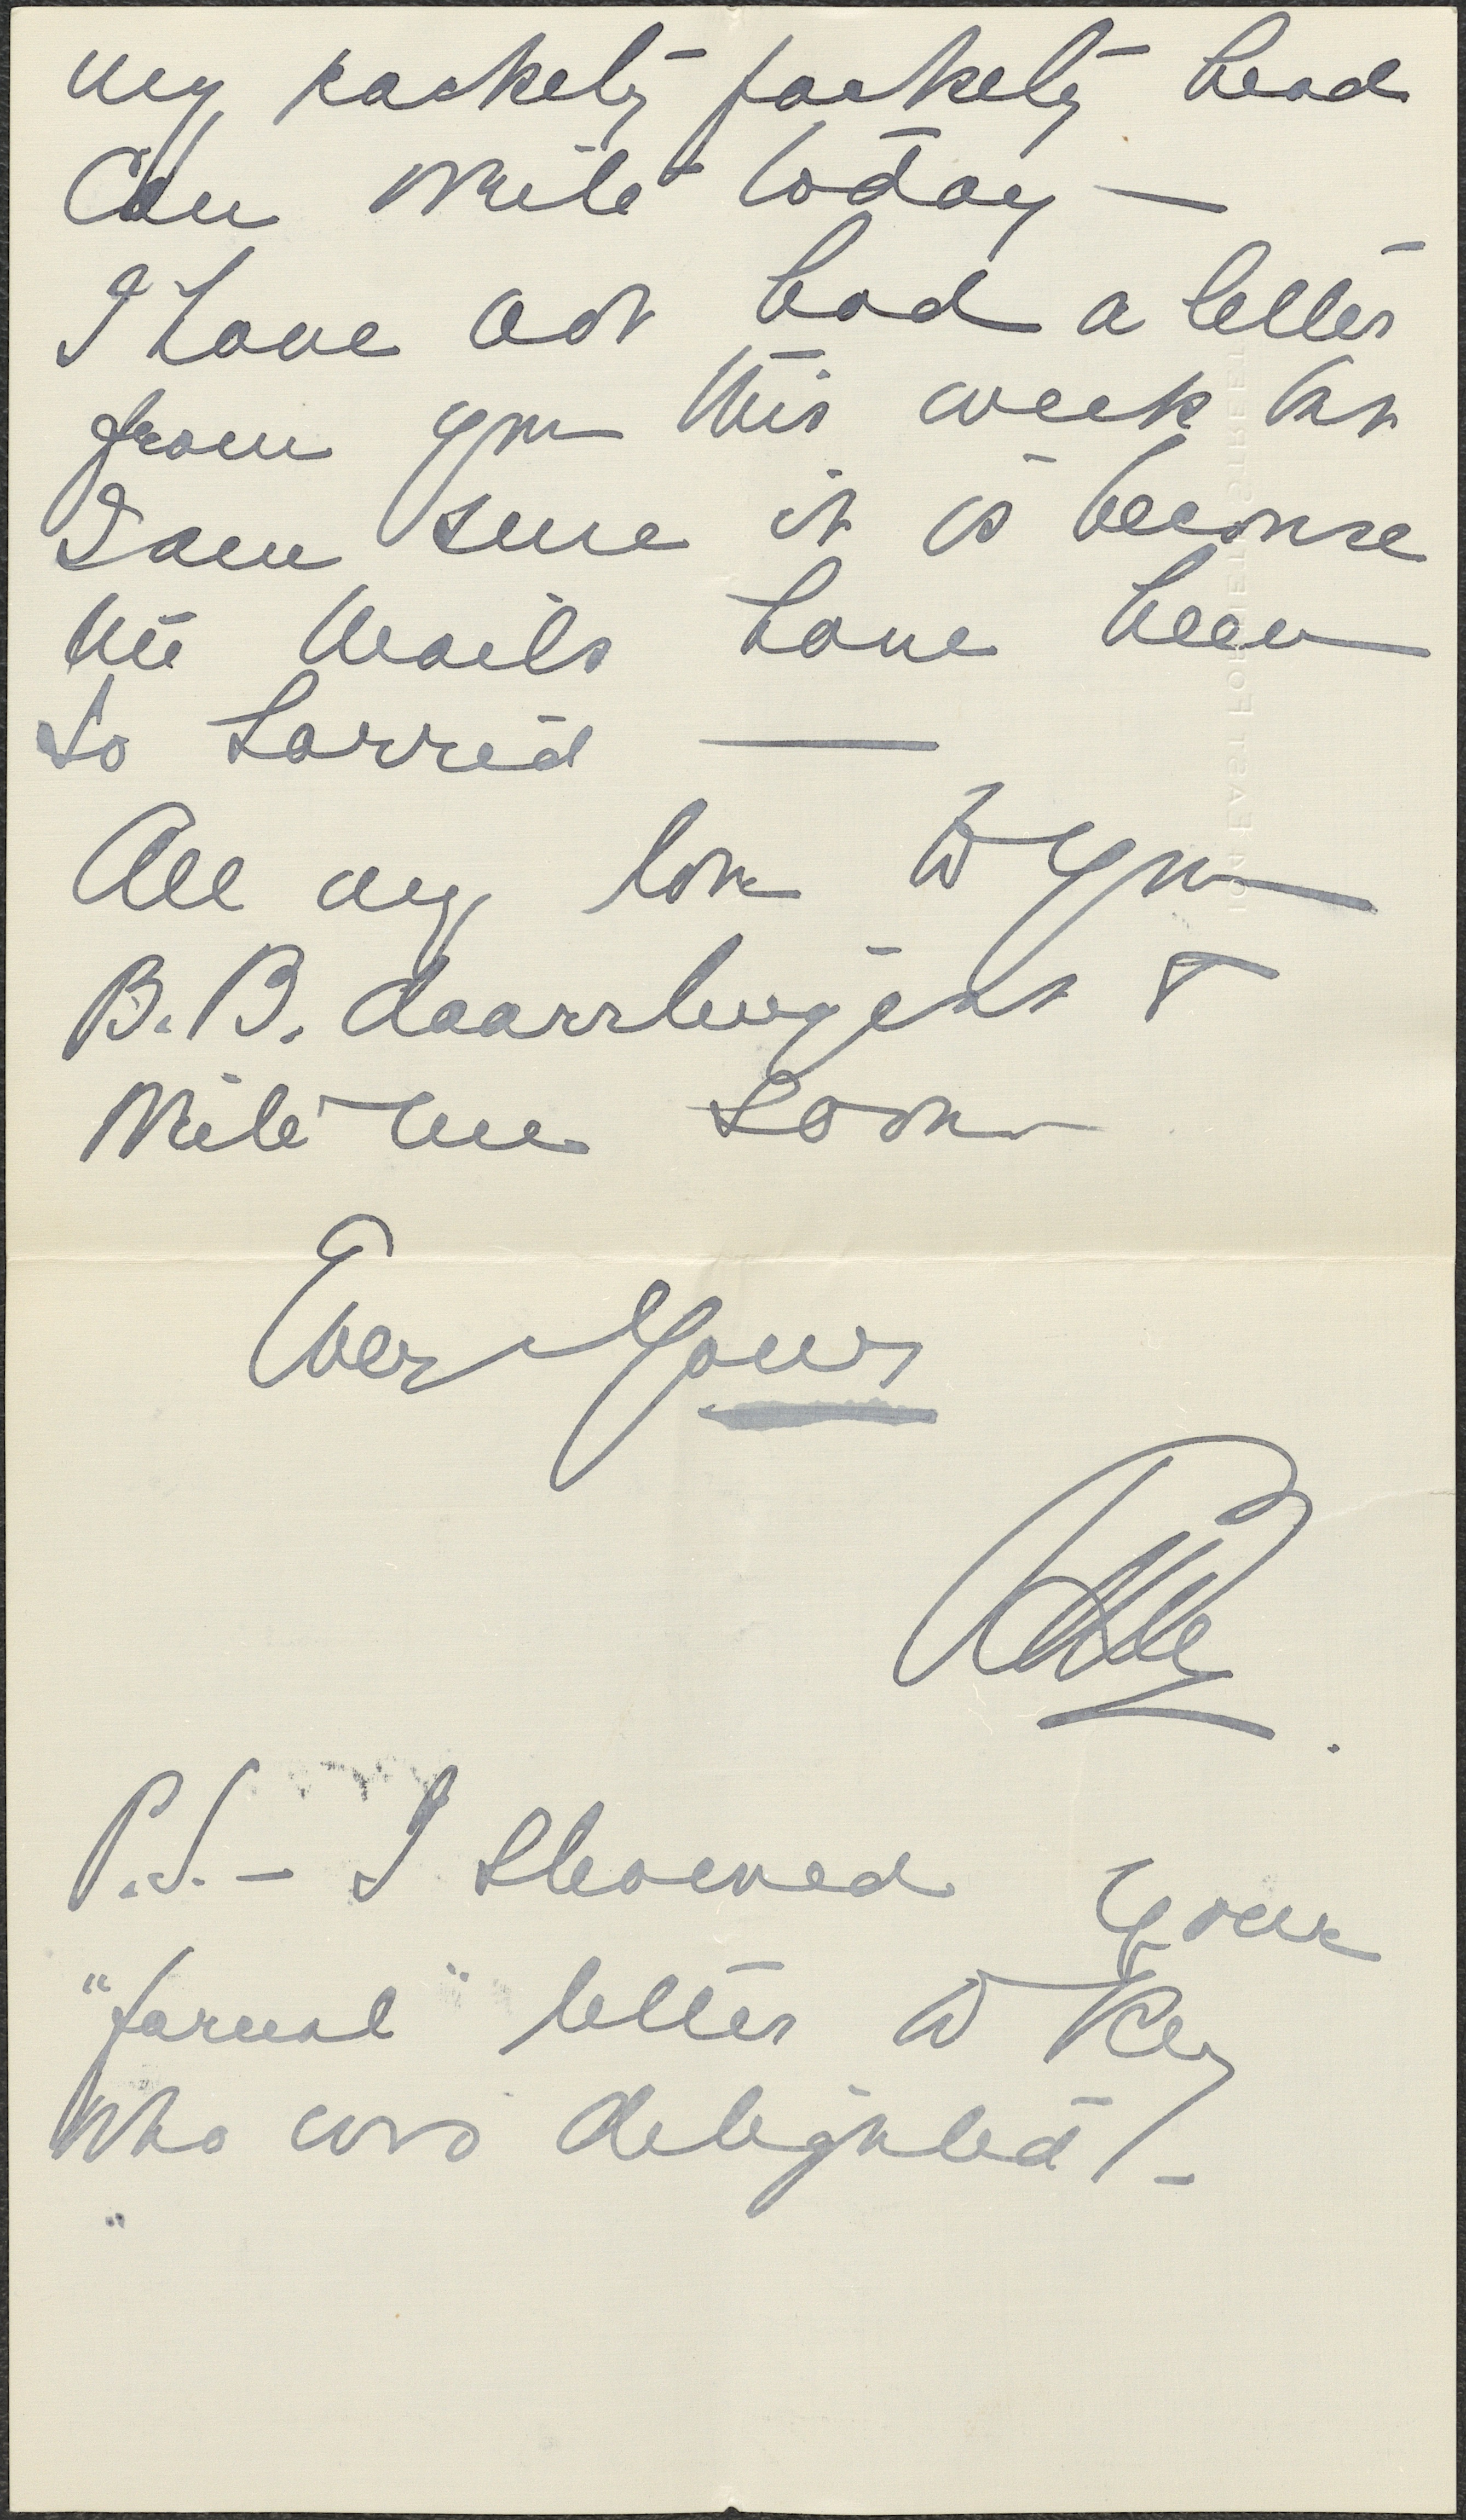my rackety packet head can write today –
I have not had a letter from you this week but I am sure it is because the mails have been so horrid –
All my love to you B. B. daarrlingest & write me soon
Ever your
Belle
P.S. – I showed your “formal” letter to Rey who was delighted –